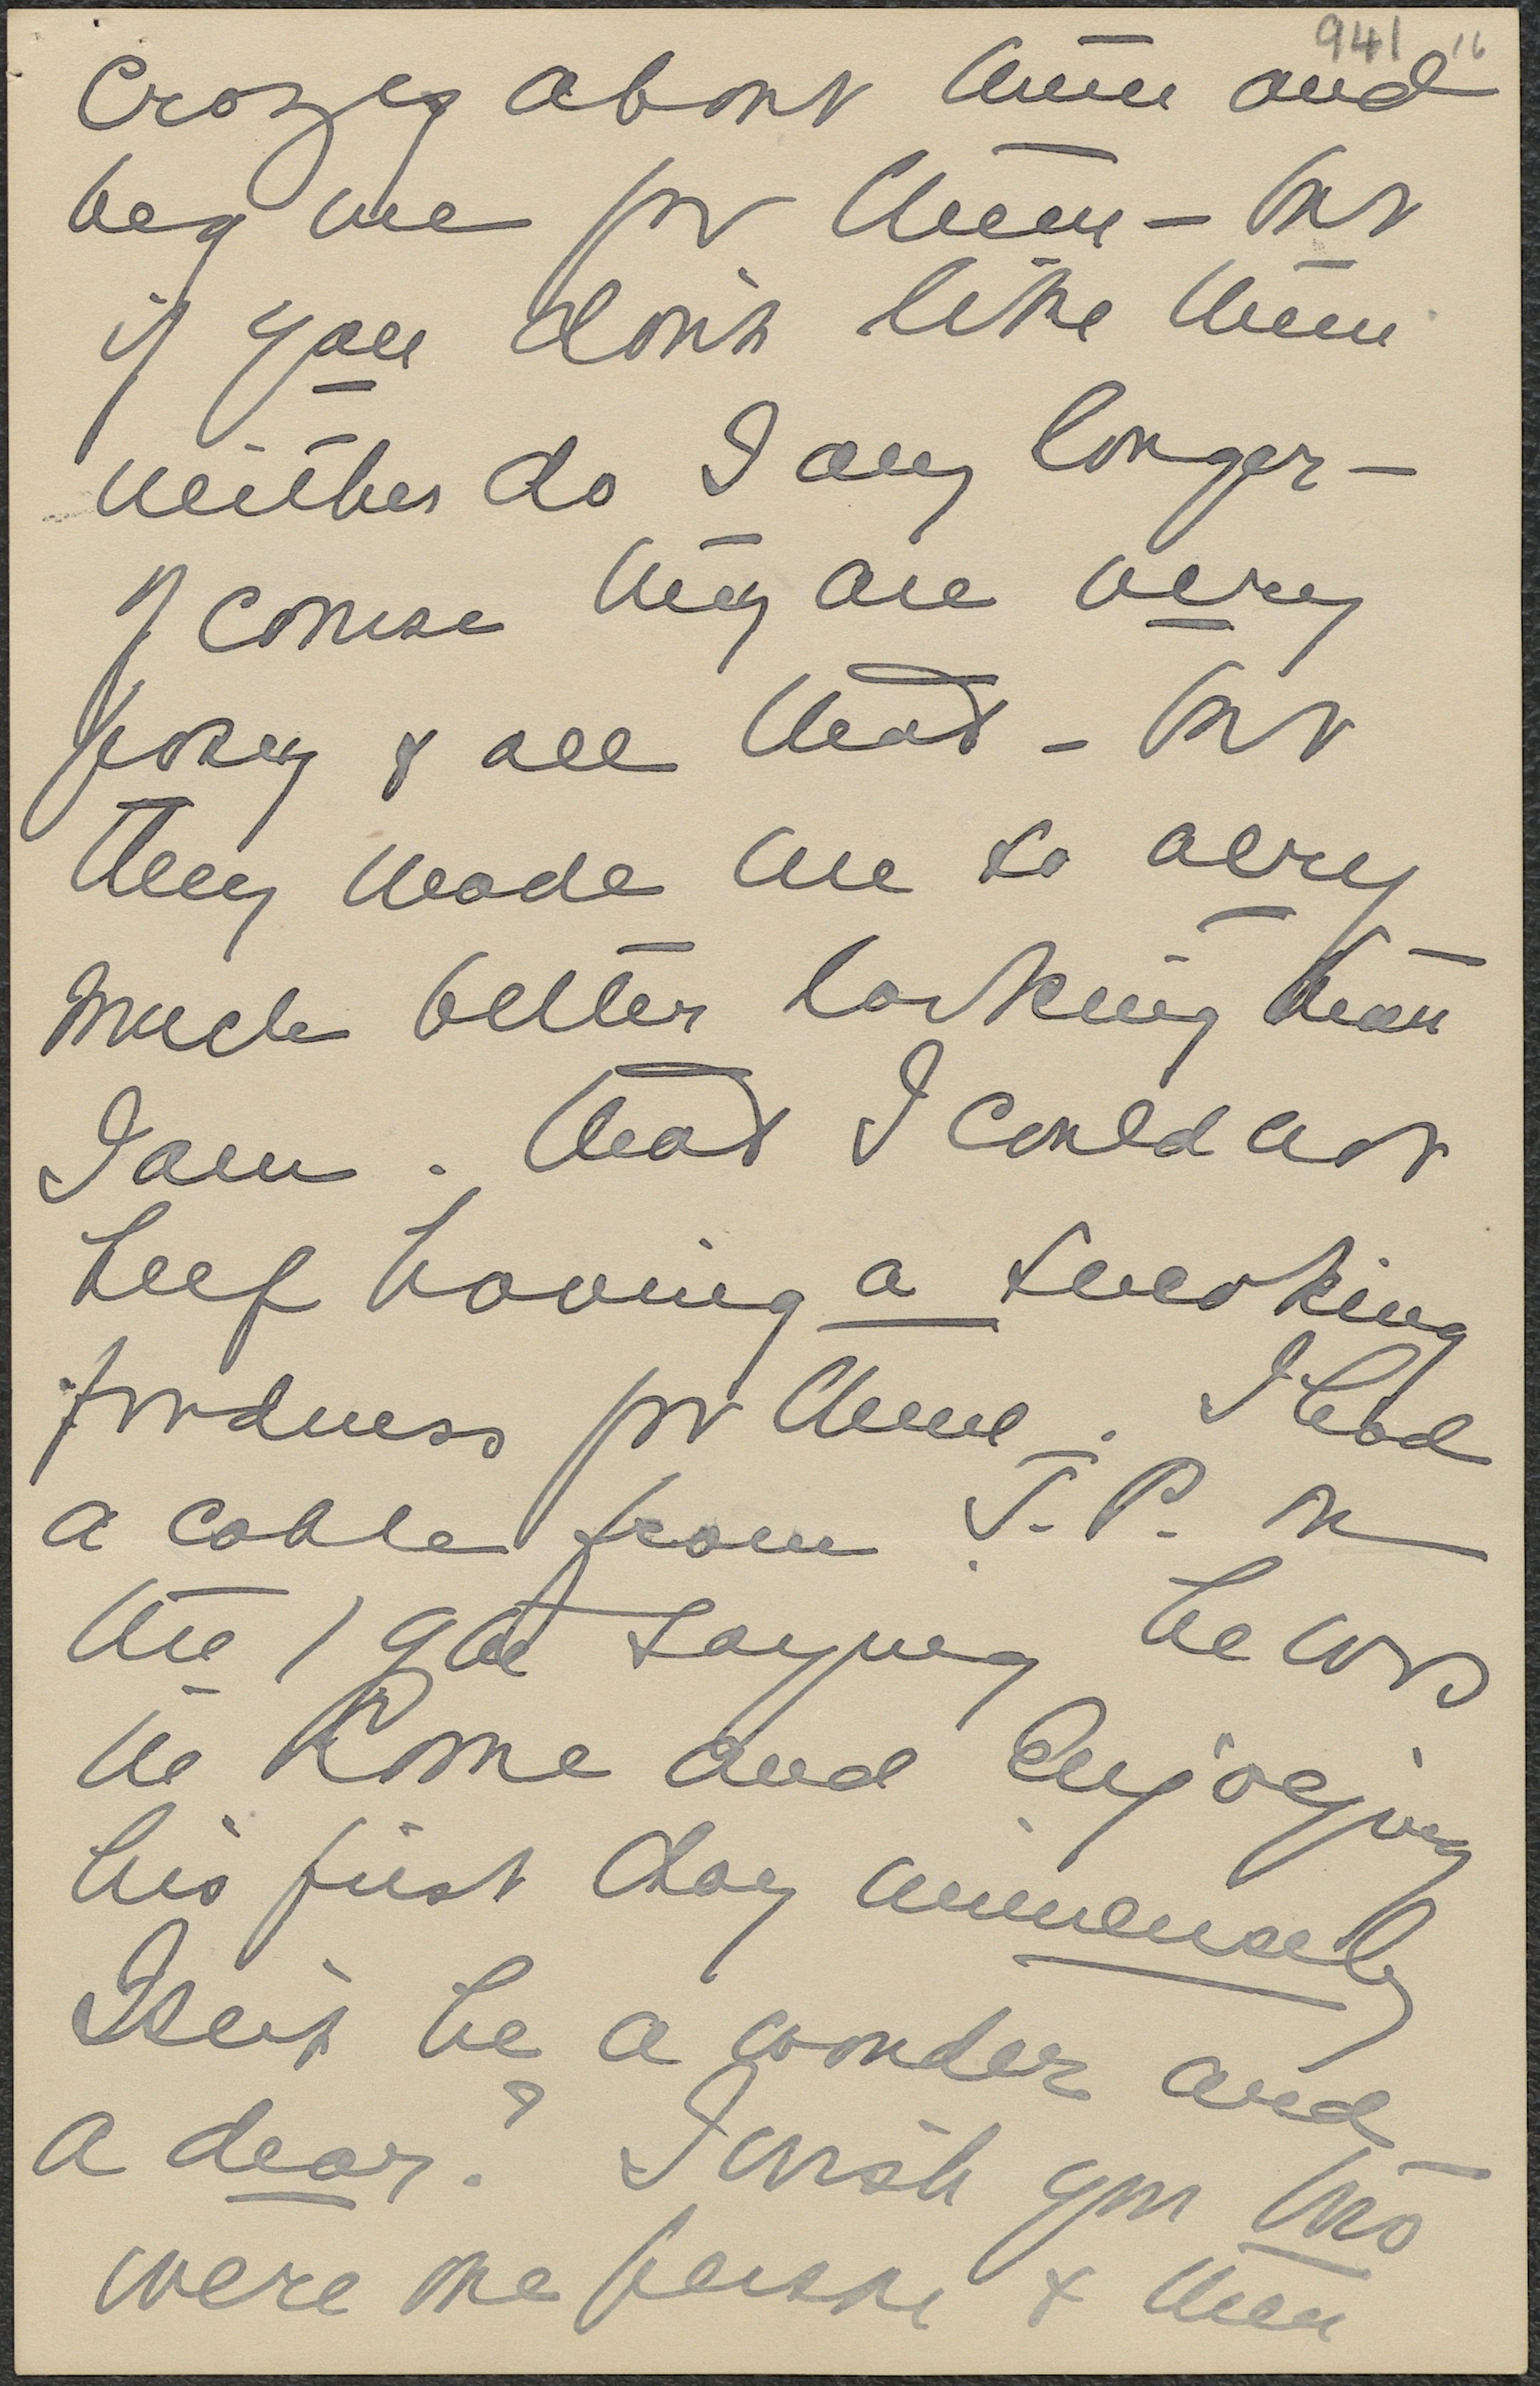crazy about them and beg me for them – but if you don’t like them neither do I any longer – of course they are very posey & all that – but they made me so very much better looking than I am. that I could not help having a sneaking fondness for them. I had a cable from J. P. on the 19th saying he was in Rome and enjoying his first day immensely Isn’t he a wonder and a dear? I wish you two were one person & then